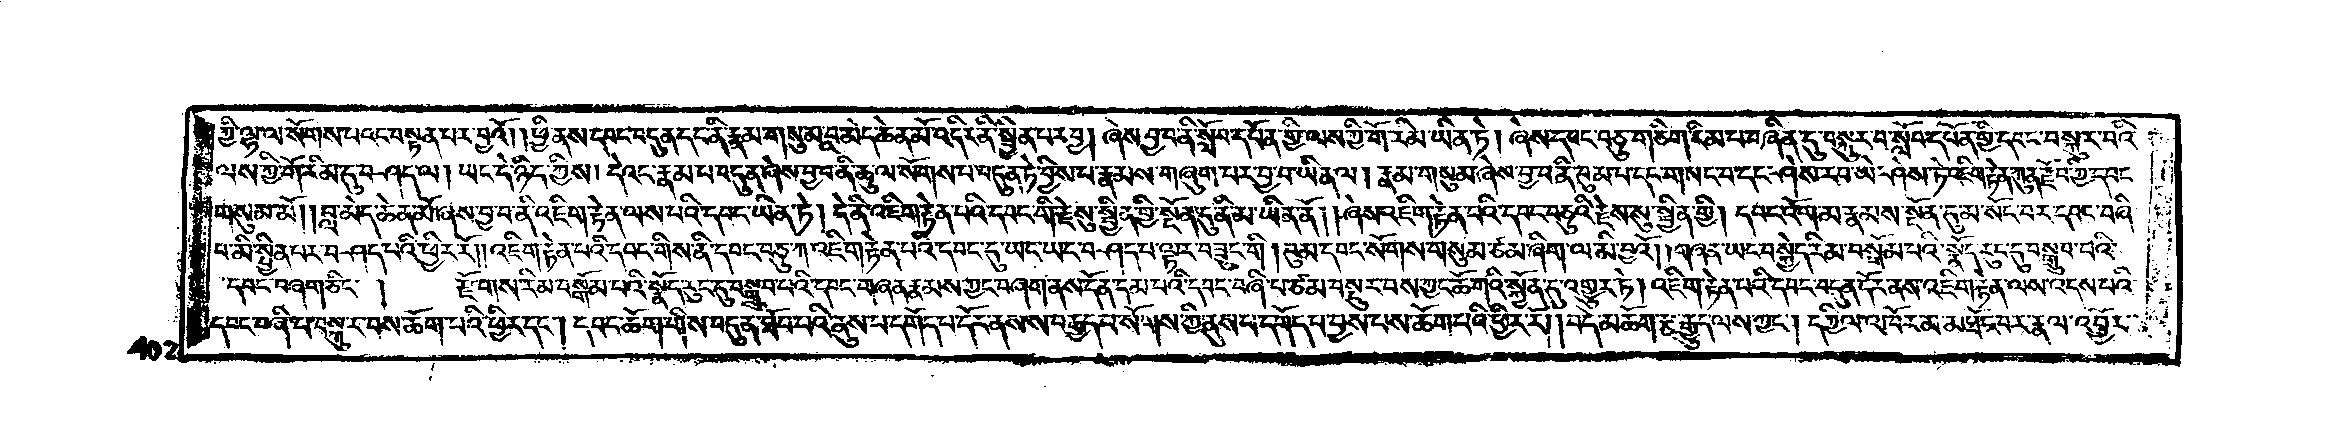ཀྱི་ལྷ་ལ་སོགས་པའང་བསྟན་པར་བྱའོ། །ཕྱི་ནས་དབང་བདུན་དང་ནི་རྣམ་གསུམ་བླ་མེད་ཆེན་མོ་འདིར་ནི་སྦྱིན་པར་བྱ། ཞེས་བྱ་བ་ནི་སློབ་དཔོན་གྱི་ལས་ཀྱི་གོ་རིམ་ཡིན་ཏེ། ཞེས་དབང་བཅུ་གཅིག་རིམ་པ་བཞིན་དུ་བསྐུར་བ་སློབ་དཔོན་གྱི་དབང་བསྐུར་བའི་
ལས་ཀྱི་གོ་རིམ་དུ་བཤད་ལ། ཡང་དེ་ཉིད་ཀྱིས། དེའང་རྣམ་པ་བདུན་ཞེས་བྱ་བ་ནི་ཆུ་ལ་སོགས་པ་བདུན་ཏེ་བྱིས་པ་རྣམས་གཞུག་པར་བྱ་བ་ཡིན་ལ། རྣམ་གསུམ་ཞེས་བྱ་བ་ནི་བུམ་པ་དང་གསང་བ་དང་ཤེས་རབ་ཡེ་ཤེས་ཏེ་འཇིག་རྟེན་ཀུན་རྫོབ་ཀྱི་དབང་
གསུམ་མོ། །བླ་མེད་ཆེན་མོ་ཞེས་བྱ་བ་ནི་འཇིག་རྟེན་ལས་པའི་དབང་ཡིན་ཏེ། དེ་ནི་འཇིག་རྟེན་པའི་དབང་གི་རྗེས་སུ་སྦྱིན་གྱི་སྔོན་དུ་ནི་མ་ཡིན་ནོ། །ཞེས་འཇིག་རྟེན་པའི་དབང་བཅུའི་རྗེས་སུ་སྦྱིན་གྱི། དབང་འོག་མ་རྣམས་སྔོན་དུ་མ་སོང་བར་དབང་བཞི་
པ་མི་སྦྱིན་པར་བཤད་པའི་ཕྱིར་རོ། །འཇིག་རྟེན་པའི་དབང་གིས་ནི་དབང་བཅུ་ཀ་འཇིག་རྟེན་པའི་དབང་དུ་ཡང་ཡང་བཤད་པ་ལྟར་བཟུང་གི །བུམ་དབང་སོགས་གསུམ་ཙམ་ཞིག་ལ་མི་བྱའོ། །གཞན་ཡང་བསྐྱེད་རིམ་བསྒོམ་པའི་སྣོད་རུང་དུ་བསྒྲུབ་པའི་
དབང་བཞག་ཅིང་། རྫོགས་རིམ་བསྒོམ་པའི་སྣོད་རུང་དུ་བསྒྲུབ་པའི་དབང་གཞན་རྣམས་ཀྱང་བཞག་ནས་དོན་དམ་པའི་དབང་བཞི་པ་ཙམ་བསྡུར་བས་ཀྱང་ཆོ་གའི་སྐྱོན་དུ་འགྱུར་ཏེ། འཇིག་རྟེན་པའི་དབང་བདུན་དོར་ནས་འཇིག་རྟེན་ལས་འདས་པའི་
དབང་བཞི་པ་བསྐུར་བས་ཆོག་པའི་ཕྱིར་དང་། དབང་ཆོག་གིས་བདུན་ཐོབ་པའི་ནུས་པ་དགོད་པ་དོར་ནས་ས་བརྒྱད་པ་སོགས་ཀྱི་ནུས་པ་དགོད་པ་བྱས་པས་ཆོག་པའི་ཕྱིར་རོ། །བདེ་མཆོག་རྩ་རྒྱུད་ལས་ཀྱང་། དཀྱིལ་འཁོར་མ་མཐོང་བར་རྣལ་འབྱོར་